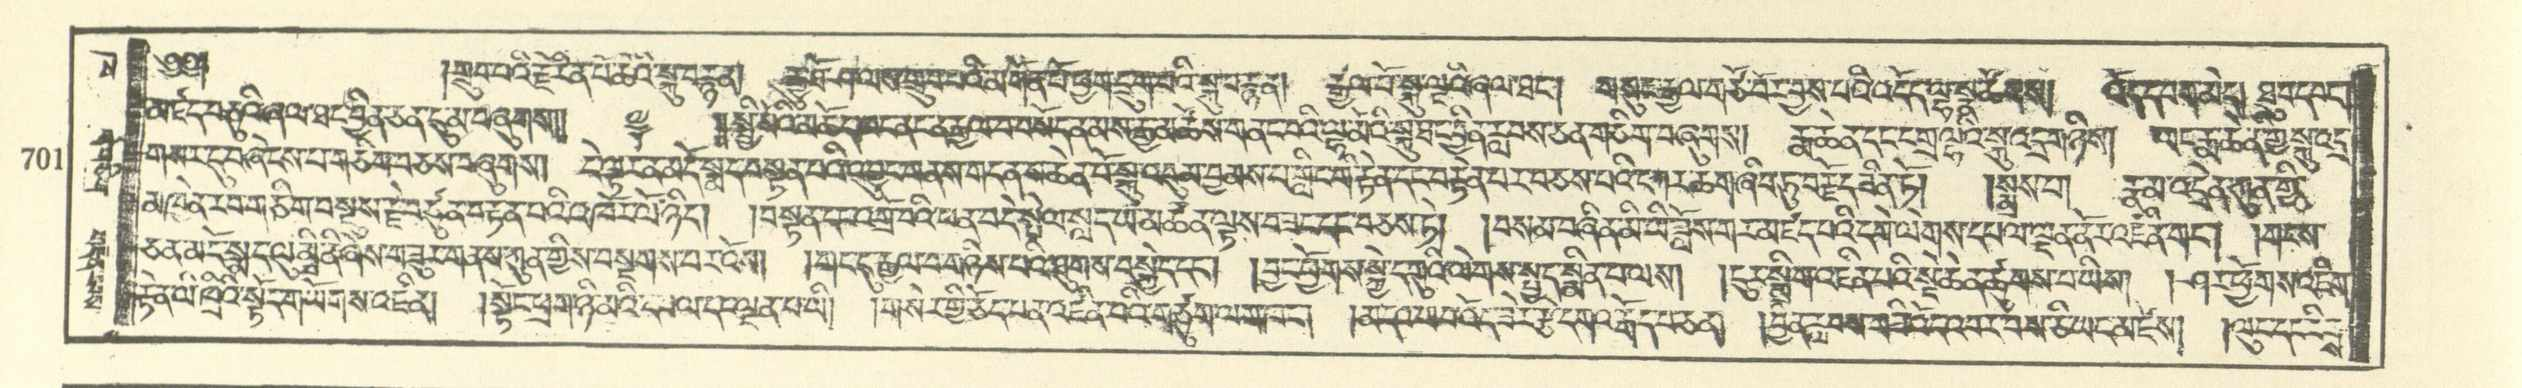༄༅། །གྲུབ་པའི་རྗེ་རིན་པོ་ཆེའི་སྐུ་བརྙན། རྒྱུ་ཐོ་ཤ་ལས་གྲུབ་པའི་མགོན་པོ་ཕྱག་དྲུག་པའི་སྐུ་བརྙན། རྒྱལ་པོ་སྐུ་ལྔའི་ཞལ་ཐང་། གསུང་རྒྱལ་གཙོ་བོར་བྱས་པའི་འདོད་ལྷ་སྣ་ཚོགས། འོད་དཔག་མེད། ཐུབ་དབང་
མཛད་བཅུའི་ཞལ་ཐང་བྱིན་ཅན་དུ་མ་བཞུགས།། ༈ །།སྤྱི་སོའི་མཆོད་ཁང་ནང་ན་རྒྱལ་བ་བསོད་ནམས་རྒྱ་མཚོས་གནང་བའི་ལྷ་མོའི་སྐུ་ཐང་བྱིན་རླབས་ཅན་གཅིག་བཞུགས། རྨ་ཆེན་དང་དགྲ་ལྷའི་སྐུ་འདྲ་གཉིས། ཡང་རྨ་ཆེན་གྱི་སྐུ་འདྲ་
གསར་དུ་བཞེངས་པ་གཅིག་བཅས་བཞུགས། དེ་ལྟར་ན་མདོ་སྨད་བསྟན་པའི་འབྱུང་གནས་གདན་ས་ཆེན་པོ་སྐུ་འབུམ་བྱམས་པ་གླིང་གི་རྟེན་དང་བརྟེན་པར་བཅས་པའི་དཀར་ཆག་ཞིབ་ཏུ་བརྗོད་ཟིན་ཏོ། །སྨྲས་པ། རྣམ་འདྲེན་ཀུན་གྱི་མཁྱེན་རབ་གཅིག་བསྡུས་རྗེ་བཙུན་བརྟན་པའི་འཁོར་ལོ་ཉིད། །བསྟན་དང་འགྲོ་བའི་ཕན་བདེ་སྤེལ་སླད་ཡ་མཚན་ལྟས་བཟང་དང་བཅས་ཏེ། །བསམ་བཞིན་མི་ཡི་ཟློས་གར་མཛད་པའི་དགེ་ལེགས་དཔལ་ལྡན་ནོར་འཛིན་གང་། །གངས་
ཅན་མདོ་སྨད་ལུམྦི་ནི་ཞེས་གཟུར་གནས་ཀུན་གྱིས་བསྔགས་པར་འོས། །གང་དུ་རྒྱལ་བ་གཉིས་པའི་ཐུགས་བསྐྱེད་དང་། །བྱང་ཕྱོགས་སྐྱེ་དགུའི་ལེགས་སྤྱད་སྨིན་པ་ལས། །དུར་སྨྲིག་འཛིན་པའི་སྡེ་ཆེན་ཚུགས་པ་ཡིས། །ཤར་ཕྱོགས་འཇིག་
རྟེན་ལི་ཁྲིའི་སྟོད་གཡོགས་འཛིན། །སྟོང་ཕྲག་ཉི་མའི་དཔལ་དང་ལྡན་པ་གི། །གསེར་གྱི་ཅོད་པན་འཛིན་པའི་གཙུག་ལག་ཁང་། །མདའ་ཡབ་འོད་ཟེར་རྩེ་དགའ་རྒོད་པ་ཅན། །བྱིན་རླབས་གཟི་འོད་འབར་བས་ཅི་ཡང་མཛེས། །ལུང་དང་རིགས་